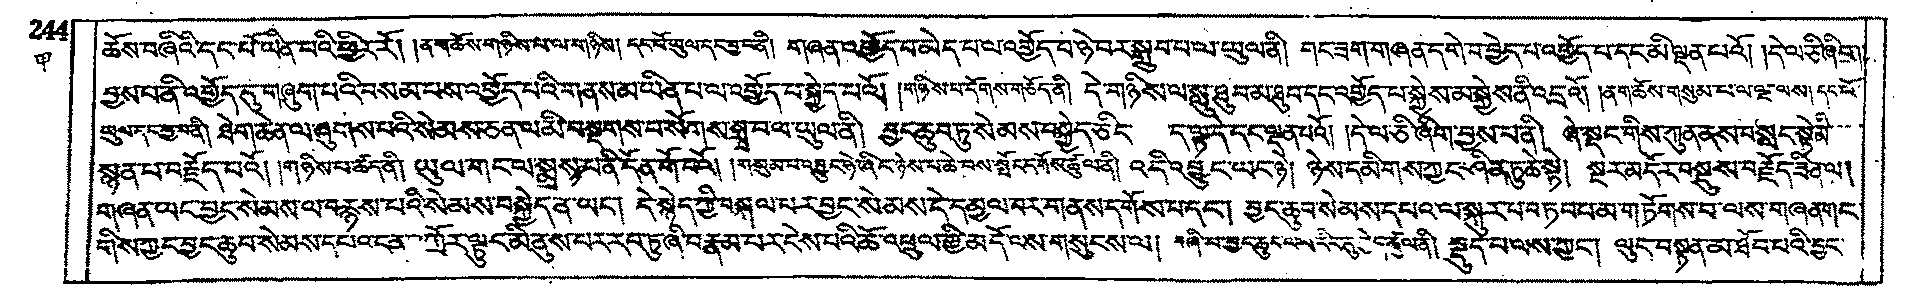ཆོས་བཞིའི་དང་པོ་ཡིན་པའི་ཕྱིར་རོ། །ནག་ཆོས་གཉིས་པ་ལ་གཉིས། དང་པོ་ཡུལ་དང་བྱ་བ་ནི།  གཞན་འགྱོད་པ་མེད་པ་ལ་འགྱོད་པ་ཉེ་བར་སྒྲུབ་པ་ལ་ཡུལ་ནི། གང་ཟག་གཞན་དགེ་བ་བྱེད་པ་འགྱོད་པ་དང་མི་ལྡན་པའོ། །དེ་ལ་ཅི་ཞིག་
བྱས་པ་ནི་འགྱོད་དུ་གཞུག་པའི་བསམ་པས་འགྱོད་པའི་གནས་མ་ཡིན་པ་ལ་འགྱོད་པ་སྐྱེད་པའོ། །གཉིས་པ་དོགས་གཅོད་ནི།  དེ་གཉིས་ལ་སླུ་ཐུབ་མ་ཐུབ་དང་འགྱོད་པ་སྐྱེས་མ་སྐྱེས་ནི་འདྲའོ། །ནག་ཆོས་གསུམ་པ་ལ་ལྔ་ལས། དང་པོ་
ཡུལ་དང་བྱ་བ་ནི། ཐེག་ཆེན་ལ་ཞུགས་པའི་སེམས་ཅན་ལ་མི་བསྔགས་པ་སོགས་སྲྭ་བ་ལ་ཡུལ་ནི། བྱང་ཆུབ་ཏུ་སེམས་བསྐྱེད་ཅིང་ད་ལྟ་དེ་དང་ལྡན་པའོ། །དེ་ལ་ཅི་ཞིག་བྱས་པ་ནི། ཞེ་སྡང་གིས་ཀུན་ནས་བསླང་སྟེ་མི་
སྙན་པ་བརྗོད་པའོ། །གཉིས་པ་ཚད་ནི།  ཡུལ་གང་ལ་སྨྲས་པ་ནི་དོན་གོ་བའོ། །གསུམ་པ་འབྱུང་ཉེ་ཞིང་ཉེས་པ་ཆེ་བས་སྤོང་དགོས་ཚུལ་ནི།  འདི་འབྱུང་ཡང་ཉེ། ཉེས་དམིགས་ཀྱང་ཤིན་ཏུ་ཆེ་སྟེ། སྔར་མདོར་བསྡུས་བརྗོད་ཟིན་ལ།
གཞན་ཡང་བྱང་སེམས་ལ་བརྙས་པའི་སེམས་བསྐྱེད་ན་ཡང་། དེ་སྙེད་ཀྱི་བསྐལ་པར་བྱང་སེམས་དེ་དམྱལ་བར་གནས་དགོས་པ་དང་། བྱང་ཆུབ་སེམས་དཔའ་ལ་སྐུར་པ་བཏབ་པ་མ་གཏོགས་པ་ལས་གཞན་གང་
གིས་ཀྱང་བྱང་ཆུབ་སེམས་དཔའ་ངན་འགྲོར་ལྟུང་མི་ནུས་པར་རབ་ཏུ་ཞི་བ་རྣམ་པར་ངེས་པའི་ཆོ་འཕྲུལ་གྱི་མདོ་ལས་གསུངས་ལ། བཞི་བ་བྱང་ཆུབ་ལས་རིང་དུ་བྱེད་ཚུལ་ནི།  སྡུད་པ་ལས་ཀྱང་། ལུང་བསྟན་མ་ཐོབ་པའི་བྱན་